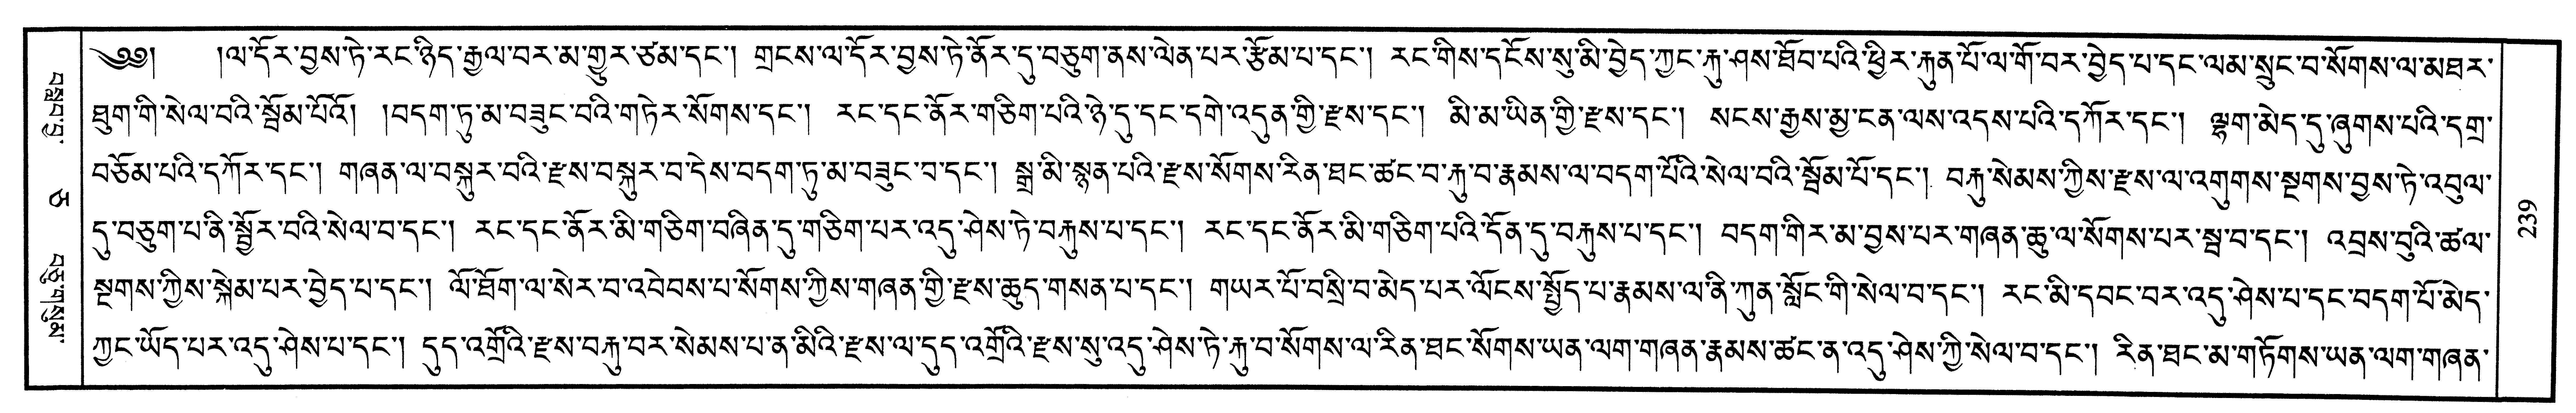༄༅། །ལ་དོར་བྱས་ཏེ་རང་ཉིད་རྒྱལ་བར་མ་གྱུར་ཙམ་དང་། གྲངས་ལ་དོར་བྱས་ཏེ་ནོར་དུ་བཅུག་ནས་ལེན་པར་རྩོམ་པ་དང་། རང་གིས་དངོས་སུ་མི་བྱེད་ཀྱང་རྐུ་ཤས་ཐོབ་པའི་ཕྱིར་རྐུན་པོ་ལ་གོ་བར་བྱེད་པ་དང་ལམ་སྲུང་བ་སོགས་ལ་མཐར་
ཐུག་གི་སེལ་བའི་སྦོམ་པོའོ། །བདག་ཏུ་མ་བཟུང་བའི་གཏེར་སོགས་དང་། རང་དང་ནོར་གཅིག་པའི་ཉེ་དུ་དང་དགེ་འདུན་གྱི་རྫས་དང་། མི་མ་ཡིན་གྱི་རྫས་དང་། སངས་རྒྱས་མྱ་ངན་ལས་འདས་པའི་དཀོར་དང་། ལྷག་མེད་དུ་ཞུགས་པའི་དགྲ་
བཅོམ་པའི་དཀོར་དང་། གཞན་ལ་བསྐུར་བའི་རྫས་བསྐུར་བ་དེས་བདག་ཏུ་མ་བཟུང་བ་དང་། སྒྲ་མི་སྙན་པའི་རྫས་སོགས་རིན་ཐང་ཚང་བ་རྐུ་བ་རྣམས་ལ་བདག་པོའི་སེལ་བའི་སྦོམ་པོ་དང་། བརྐུ་སེམས་ཀྱིས་རྫས་ལ་འགུགས་སྔགས་བྱས་ཏེ་འབུལ་
དུ་བཅུག་པ་ནི་སྦྱོར་བའི་སེལ་བ་དང་། རང་དང་ནོར་མི་གཅིག་བཞིན་དུ་གཅིག་པར་འདུ་ཤེས་ཏེ་བརྐུས་པ་དང་། རང་དང་ནོར་མི་གཅིག་པའི་དོན་དུ་བརྐུས་པ་དང་། བདག་གིར་མ་བྱས་པར་གཞན་ཆུ་ལ་སོགས་པར་སྦ་བ་དང་། འབྲས་བུའི་ཚལ་
སྔགས་ཀྱིས་སྐེམ་པར་བྱེད་པ་དང་། ལོ་ཐོག་ལ་སེར་བ་འབེབས་པ་སོགས་ཀྱིས་གཞན་གྱི་རྫས་ཆུད་གསན་པ་དང་། གཡར་པོ་བསྲི་བ་མེད་པར་ལོངས་སྤྱོད་པ་རྣམས་ལ་ནི་ཀུན་སློང་གི་སེལ་བ་དང་། རང་མི་དབང་བར་འདུ་ཤེས་པ་དང་བདག་པོ་མེད་
ཀྱང་ཡོད་པར་འདུ་ཤེས་པ་དང་། དུད་འགྲོའི་རྫས་བརྐུ་བར་སེམས་པ་ན་མིའི་རྫས་ལ་དུད་འགྲོའི་རྫས་སུ་འདུ་ཤེས་ཏེ་རྐུ་བ་སོགས་ལ་རིན་ཐང་སོགས་ཡན་ལག་གཞན་རྣམས་ཚང་ན་འདུ་ཤེས་ཀྱི་སེལ་བ་དང་། རིན་ཐང་མ་གཏོགས་ཡན་ལག་གཞན་